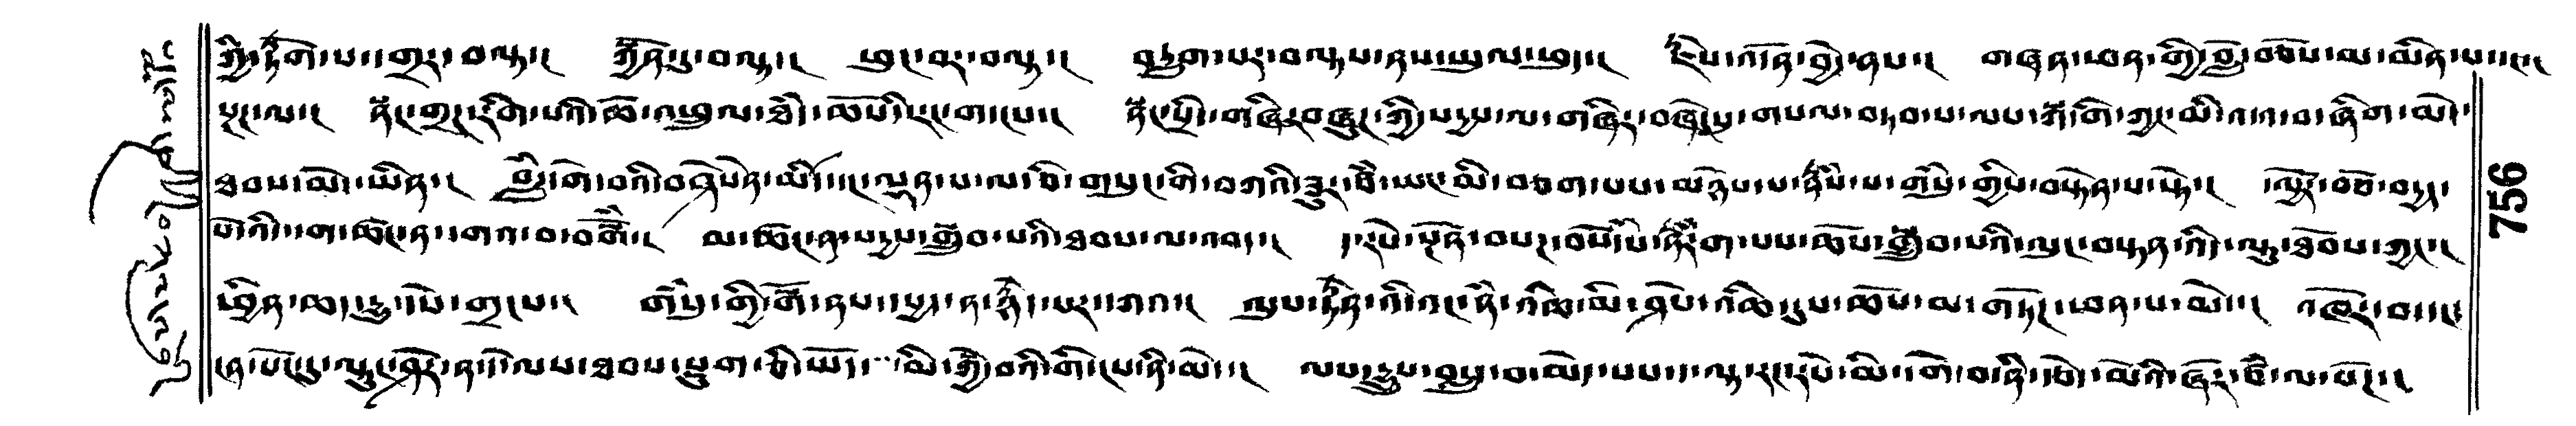ཀྱི་རྟོག་པ་དགྲར་བལྟ། སྐྱོན་དུ་བལྟ། ཕུང་བར་བལྟ། བརླག་པར་བལྟས་ནས་ཡུལ་ཕུད། རྗེས་འདོན་བྱེད་ནས། གཞན་ཕན་གྱི་བློ་བཅོས་མ་མིན་པ་དང་། 
སྔགས་ལ། སྣང་གྲགས་རིག་པའི་ཆོ་འཕྲུལ་ཐམས་ཅད་ཆོས་ཉིད་ཀྱི་རང་གདངས། སྣང་སྲིད་གཞིར་བཞུགས་ཀྱི་སངས་རྒྱས་ལ་གཞིར་བཞེངས་སུ་གསལ་བཏབ་པ་ལས་སྐད་ཅིག་ཀྱང་མི་འདའ་བ་ཞིག་མེད་
ཐབས་མེད་ཡིན།བླ་མ་དགེ་བའི་བཤེས་གཉེན་མཚན་ཉིད་མཛད་དང་ལྡན་པ་ལ་ཅི་གསུང་གི་བཀའི་ཟུར་ཙམ་ཡང་མི་བཅག་པར་མཉེས་པ་རྣམ་པ་གསུམ་གྱིས་སྟེན་པ་སྟེ། དལ་འབྱོར་བཅོ་བརྒྱད་
པོ་འདི་དག་ཚང་ན་དགའ་བ་བསྒོམ། མ་ཚང་ན་སངས་རྒྱས་བསྒྲུབ་པའི་ཐབས་ལ་འབད། ད་རེས་སྔོན་བསགས་བསོད་ནམས་རྣམ་པར་དག་པས་ཆོས་སྒྲུབ་པའི་ལུས་བསྟན་འདི་ལྟ་བུ་ཐོབ་ཀྱང་། 
ཕྱིན་ཆད་རྒྱུ་དཔེ་གྲངས་གསུམ་གྱི་སྒོ་ནས་དཔྱད་ན་རྙེད་པར་དཀའ། ལུས་རྟེན་འདིའང་ནམ་འཆི་མི་ཤེས། འཆི་དུས་ཆོས་མ་གཏོགས་ཕན་པ་མེད། འཁོར་བ་དང་
ངན་སོང་དུ་ལྷུང་ཤོར་ན་དེ་ལས་ཐབས་སྡུག་པ་ཅི་ཡོད། མི་སྐྱེ་བའི་གདིང་ནི་མེད། ལས་རྒྱུ་འབྲས་བསླུ་བ་མེད་པས་ད་ལྟ་རང་རེས་མི་དགེ་བ་ནི་རྩེད་མོའི་ཞོར་ཙམ་ལ་གསོག